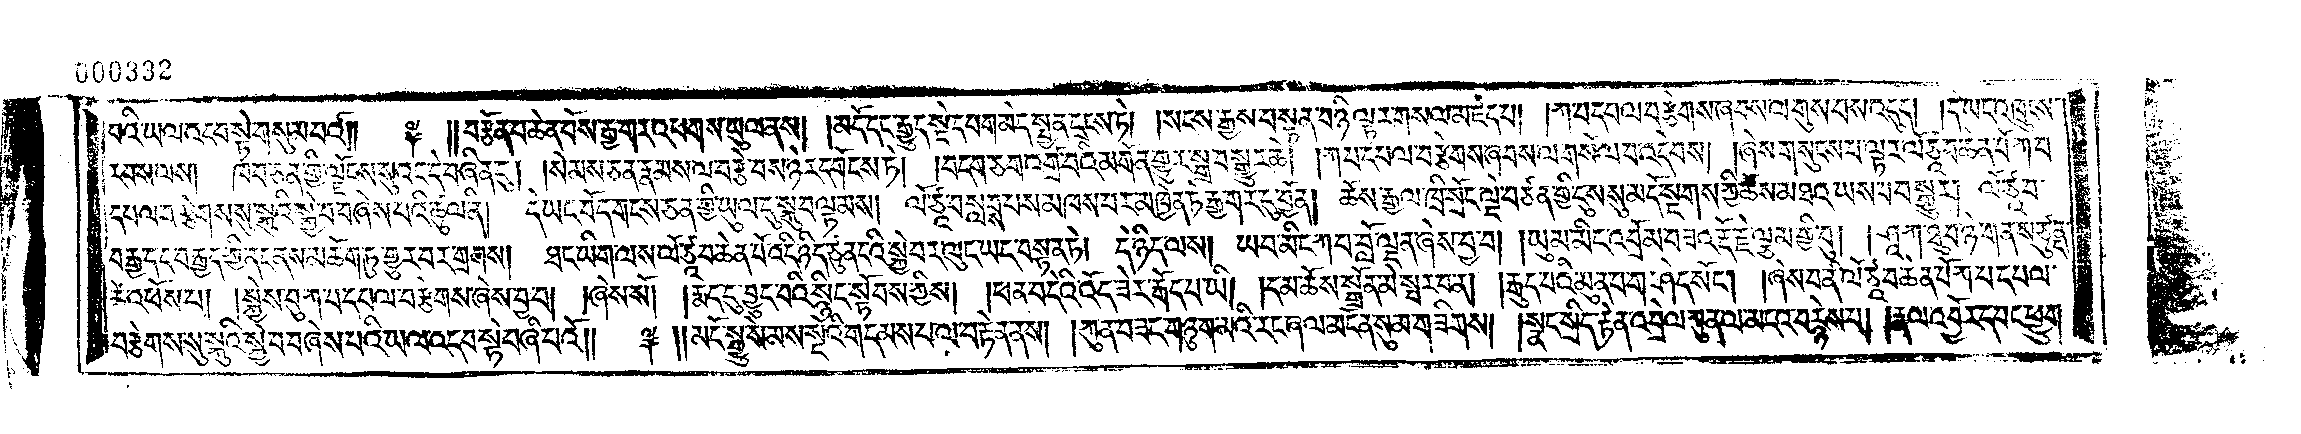བའི་ཡལ་འདབ་སྟེ་གསུམ་པའོ།། ༈ །།བརྩོན་པ་ཆེན་བོས་རྒྱ་གར་འཕགས་ཡུལ་ནས། །མདོ་དང་རྒྱུད་སྡེ་དཔག་མེད་སྤྱན་དྲངས་ཏེ། །སངས་རྒྱས་བསྟན་པ་ཉི་ལྟར་གསལ་མཛད་པ། །ཀ་བ་དཔལ་བརྩེགས་ཞབས་ལ་གུས་བས་འདུད། །དེ་ཡང་འཁྲུངས་
རབས་ལས། ཁ་བ་ཅན་གྱི་ལྗོངས་སུའང་དེ་བཞིན་དུ། །སེམས་ཅན་རྣམས་ལ་བརྩེ་བས་ཉེར་དགོངས་ཏེ། །བདག་ཅག་འགྲོ་བའི་མགོན་གྱུར་སྒྲ་བསྒྱུར་ཆེ། །ཀ་པ་དཔལ་བརྩེགས་ཞབས་ལ་གསོལ་བ་འདེབས། །ཞེས་གསུངས་པ་ལྟར་ལོ་ཙཱ་བ་ཆེན་པོ་ཀ་བ་
དཔལ་བརྩེགས་སུ་སྐུའི་སྐྱེ་བ་བཞེས་པའི་ཚུལ་ནི། དེ་ཡང་བོད་གངས་ཅན་གྱི་ཡུལ་དུ་སྐུ་བལྟམས། ལོ་ཙཱ་བསླབས་པས་མཁས་པར་མཁྱེན་ཏེ་རྒྱ་གར་དུ་བྱོན། ཆོས་རྒྱལ་ཁྲི་སྲོང་ལྡེ་བཙན་གྱི་དུས་སུ་མདོ་སྔགས་ཀྱི་ཆོས་མཐའ་ཡས་བ་བསྒྱུར། ལོ་ཙཱ་བ་
བརྒྱ་དང་བརྒྱད་ཀྱི་ནང་ནས་མཆོག་ཏུ་གྱུར་བར་གྲགས། ཐང་ཡིག་ལས་ལོ་ཙཱ་བ་ཆེན་པོ་འདི་ཉིད་ཙུན་དའི་སྐྱེ་བར་ལུང་ཡང་བསྟན་ཏེ། དེ་ཉིད་ལས། ཡབ་མིང་ཀ་བ་བློ་ལྡན་ཞེས་བྱ་བ། །ཡུམ་མིང་འབྲོམ་བཟའ་རྡོ་རྗེ་ལྕམ་གྱི་བུ། །ཤཱཀྱ་ཐུབ་ཉེ་གནས་ཙུནྡ་
ཚེ་འཕོས་པ། །སྐྱེས་བུ་ཀ་པ་དཔལ་བརྩེགས་ཞེས་བྱ་བ། །ཞེས་སོ། །རྨད་དུ་བྱུང་བའི་སྙིང་སྟོབས་ཀྱིས། །ཕན་བདེའི་འོད་ཟེར་རྒོད་པ་ཡི། །དམ་ཆོས་སྒྲོན་མེ་སྦར་བ་ན། །རྒུད་བའི་མུན་བ་ག་ཤེད་སོང་། །ཞེས་པ་ནི་ལོ་ཙཱ་བ་ཆེན་པོ་ཀ་པ་དཔལ་
བརྩེགས་སུ་སྐུའི་སྐྱེ་བ་བཞེས་པའི་ཡལ་འདབ་སྟེ་བཞི་བའོ།། ༈ །།མདོ་སྒྱུ་སེམས་སྡེའི་གདམས་པ་ལ་བརྟེན་ནས། །ཀུན་བཟང་གཉུག་མའི་རང་ཞལ་མངོན་སུམ་གཟིགས། །སྣང་སྲིད་རྟེན་འབྲེལ་ཀུན་ལ་མངའ་བརྙེས་བ། །རྣལ་འབྱོར་དབང་ཕྱུག་